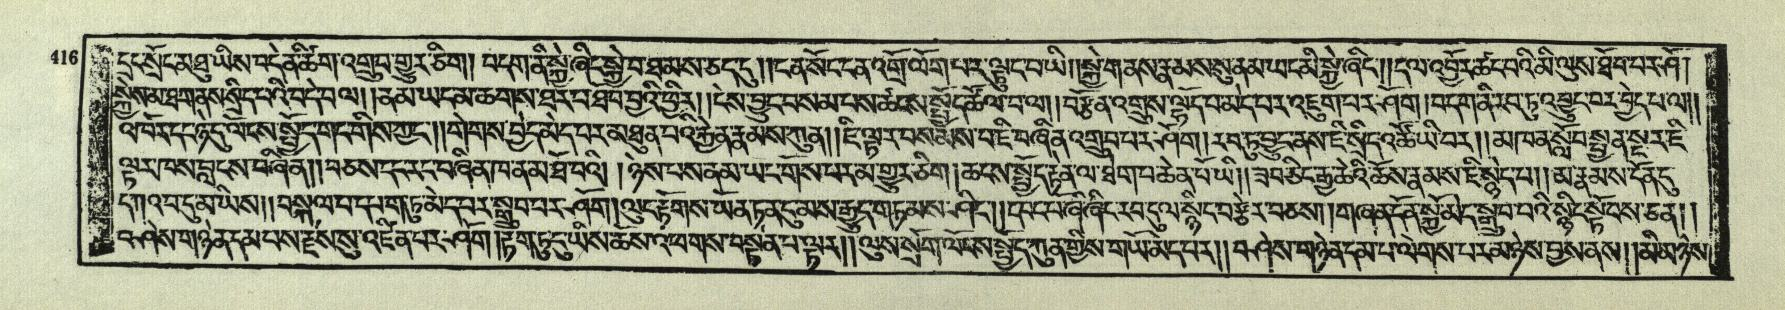དྲང་སྲོང་མཐུ་ཡིས་བདེན་ཚིག་འགྲུབ་གྱུར་ཅིག །བདག་ནི་སྐྱེ་ཞིང་སྐྱེ་བ་ཐམས་ཅད་དུ། །ངན་སོང་ངན་འགྲོ་ལོག་པར་ལྟུང་བ་ཡི། །སྐྱེ་གནས་རྣམས་སུ་ནམ་ཡང་མི་སྐྱེ་ཞིང་། །དལ་འབྱོར་ཚང་བའི་མི་ལུས་ཐོབ་པར་ཤོ།
སྐྱེས་མ་ཐག་ནས་སྲིད་པའི་བདེ་བ་ལ། །ནམ་ཡང་མ་ཆགས་ཐར་པ་ཐོབ་བྱའི་ཕྱིར། །ངེས་བྱུང་བསམ་པས་ཚངས་སྤྱོད་ཚོལ་བ་ལ། །བརྩོན་འགྲུས་ལྷོད་པ་མེད་པར་འཇུག་པར་ཤོག །བདག་ནི་རབ་ཏུ་འབྱུང་བར་བྱེད་པ་ལ།།
འཁོར་དང་ཉེ་དུ་ལོངས་སྤྱོད་གང་གིས་ཀྱང་། །གེགས་བྱེད་མེད་པར་མཐུན་པའི་རྐྱེན་རྣམས་ཀུན། །ཇི་ལྟར་བསམས་པ་ཇི་བཞིན་འགྲུབ་པར་ཤོག །རབ་ཏུ་བྱུང་ནས་ཇི་སྲིད་འཚོ་ཡི་བར། །མཁན་སློབ་སྤྱན་སྔར་ཇི་
ལྟར་ཁས་བླངས་བཞིན། །བཅས་དང་རང་བཞིན་ཁ་ན་མ་ཐོ་བའི། །ཉེས་པས་ནམ་ཡང་གོས་པར་མ་གྱུར་ཅིག །ཆངས་སྤྱོད་རྟེན་ལ་ཐེག་པ་ཆེན་པོ་ཡི། །ཟབ་ཅིང་རྒྱ་ཆེའི་ཆོས་རྣམས་ཇི་སྙེད་པ། །མ་རྣམས་དོན་དུ་
དཀའ་བ་དུ་མ་ཡིས། །བསྐལ་པ་དཔག་ཏུ་མེད་པར་སྒྲུབ་པར་ཤོག །ལུང་རྟོགས་ཡོན་ཏན་དུ་མས་རྒྱུད་གཏམས་ཤིང་། །དབང་པོ་ཞི་ཞིང་རབ་དུལ་སྙིང་བརྩེར་བཅས། །གཞན་དོན་སྐྱོ་མེད་སྒྲུབ་པའི་སྙིང་སྟོབས་ཅན།།
བཤེས་གཉེན་དམ་པས་རྗེས་སུ་འཛིན་པར་ཤོག །རྟག་ཏུ་དུ་ཡིས་ཆོས་འཕགས་བསྟན་པ་ལྟར། །ལུས་སྲོག་ལོངས་སྤྱོད་ཀུན་གྱིས་གཡོ་མེད་པར། །བཤེས་གཉེན་དམ་པ་ལེགས་པར་མཉེས་བྱས་ནས། །མི་མཉེས་